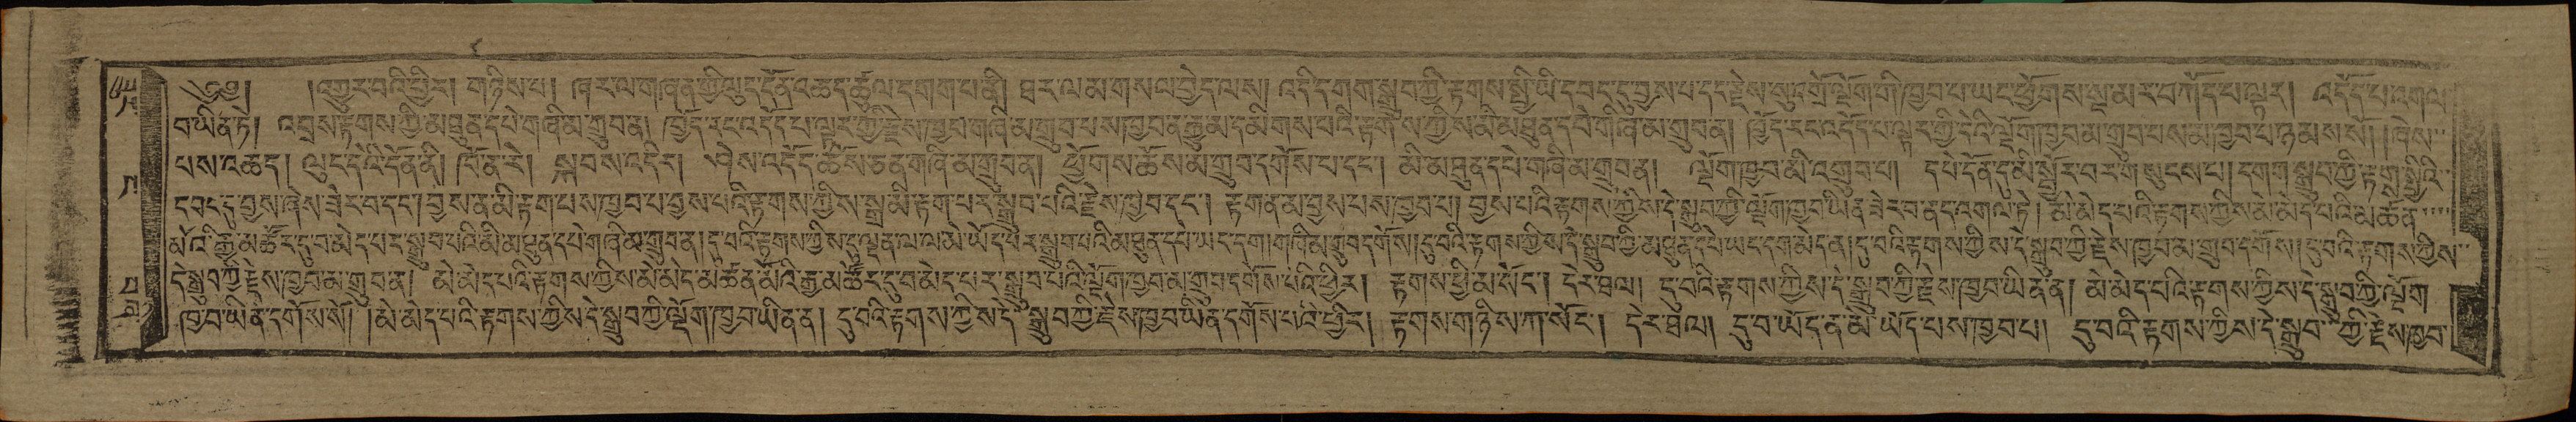༄༅། །འགྱུར་བའི་ཕྱིར། གཉིས་པ། ཞར་ལ་གཞན་གྱི་ལུང་དོན་འཆད་ཚུལ་དགག་པ་ནི། ཐར་ལམ་གསལ་བྱེད་ལས། འདི་དགག་སྒྲུབ་ཀྱི་རྟགས་སྤྱི་ཡི་དབང་དུ་བྱས་པ་དང་རྗེས་སུ་འགྲོ་ལྡོག་གི་ཁྱབ་པ་ཡང་ཕྱོགས་སྔ་མར་བཀོད་པ་ལྟར། འདོད་པ་འགལ་
བ་ཡིན་ཏེ། འབྲས་རྟགས་ཀྱི་མཐུན་དཔེ་གཞི་མ་གྲུབ་ན། ཁྱོད་རང་འདོད་པ་ལྟར་གྱི་རྗེས་ཁྱབ་གཞི་མ་གྲུབ་པས་ཁྱབ་ན་རྒྱུ་མ་དམིགས་པའི་རྟགས་ཀྱིས་མི་མཐུན་དཔེ་གཞི་མ་གྲུབ་ན། ཁྱོད་རང་འདོད་པ་ལྟར་གྱི་དེའི་ལྡོག་ཁྱབ་མ་གྲུབ་པས་མ་ཁྱབ་པ་ཉམས་སོ། །ཞེས་
པས་འཆད། ལུང་དེའི་དོན་ནི། ཁོ་ན་རེ། སྐབས་འདིར། ཤེས་འདོད་ཆོས་ཅན་གཞི་མ་གྲུབ་ན། ཕྱོགས་ཆོས་མ་གྲུབ་དགོས་པ་དང་། མི་མཐུན་དཔེ་གཞི་མ་གྲུབ་ན། ལྡོག་ཁྱབ་མི་འགྲུབ་པ། དཔེ་དོན་དུ་མི་སྦྱོར་བར་གསུངས་པ། དགག་སྒྲུབ་ཀྱི་རྟགས་སྤྱིའི་
དབང་དུ་བྱས་ཞེས་ཟེར་བ་དང་། བྱས་ན་མི་རྟག་པས་ཁྱབ་པ་བྱས་པའི་རྟགས་ཀྱིས་སྒྲ་མི་རྟག་པར་སྒྲུབ་པའི་རྗེས་ཁྱབ་དང་། རྟག་ན་མ་བྱས་པས་ཁྱབ་པ། བྱས་པའི་རྟགས་ཀྱིས་དེ་སྒྲུབ་ཀྱི་ལྡོག་ཁྱབ་ཡིན་ཟེར་བ་ནང་འགལ་ཏེ། མེ་མེད་པའི་རྟགས་ཀྱིས་མེ་མེད་པའི་མཚན་
མོའི་རྒྱ་མཚོར་དུ་བ་མེད་པར་སྒྲུབ་པའི་མི་མཐུན་དཔེ་གཞི་མ་གྲུབ་ན། དུ་བའི་རྟགས་ཀྱིས་དུ་ལྡན་ལ་ལ་མེ་ཡོད་པར་སྒྲུབ་པའི་མཐུན་དཔེ་ཡང་དག །གཞི་མ་གྲུབ་དགོས། དུ་བའི་རྟགས་ཀྱིས་དེ་སྒྲུབ་ཀྱི་མཐུན་དཔེ་ཡང་དག་མེད་ན། དུ་བའི་རྟགས་ཀྱིས་དེ་སྒྲུབ་ཀྱི་རྗེས་ཁྱབ་མ་གྲུབ་དགོས། དུ་བའི་རྟགས་ཀྱིས་
དེ་སྒྲུབ་ཀྱི་རྗེས་ཁྱབ་མ་གྲུབ་ན། མེ་མེད་པའི་རྟགས་ཀྱིས་མེ་མེད་མཚན་མོའི་རྒྱ་མཚོར་དུ་བ་མེད་པར་སྒྲུབ་པའི་ལྡོག་ཁྱབ་མ་གྲུབ་དགོས་པའི་ཕྱིར། རྟགས་ཕྱི་མ་སོང་། དེར་ཐལ། དུ་བའི་རྟགས་ཀྱིས་དེ་སྒྲུབ་ཀྱི་རྗེས་ཁྱབ་ཡིན་ན། མེ་མེད་པའི་རྟགས་ཀྱིས་དེ་སྒྲུབ་ཀྱི་ལྡོག་
ཁྱབ་ཡིན་དགོས་སོ། །མེ་མེད་པའི་རྟགས་ཀྱིས་དེ་སྒྲུབ་ཀྱི་ལྡོག་ཁྱབ་ཡིན་ན། དུ་བའི་རྟགས་ཀྱིས་དེ་སྒྲུབ་ཀྱི་རྗེས་ཁྱབ་ཡིན་དགོས་པའི་ཕྱིར། རྟགས་གཉིས་ཀ་སོང་། དེར་ཐལ། དུ་བ་ཡོད་ན་མེ་ཡོད་པས་ཁྱབ་པ། དུ་བའི་རྟགས་ཀྱིས་དེ་སྒྲུབ་ཀྱི་རྗེས་ཁྱབ་